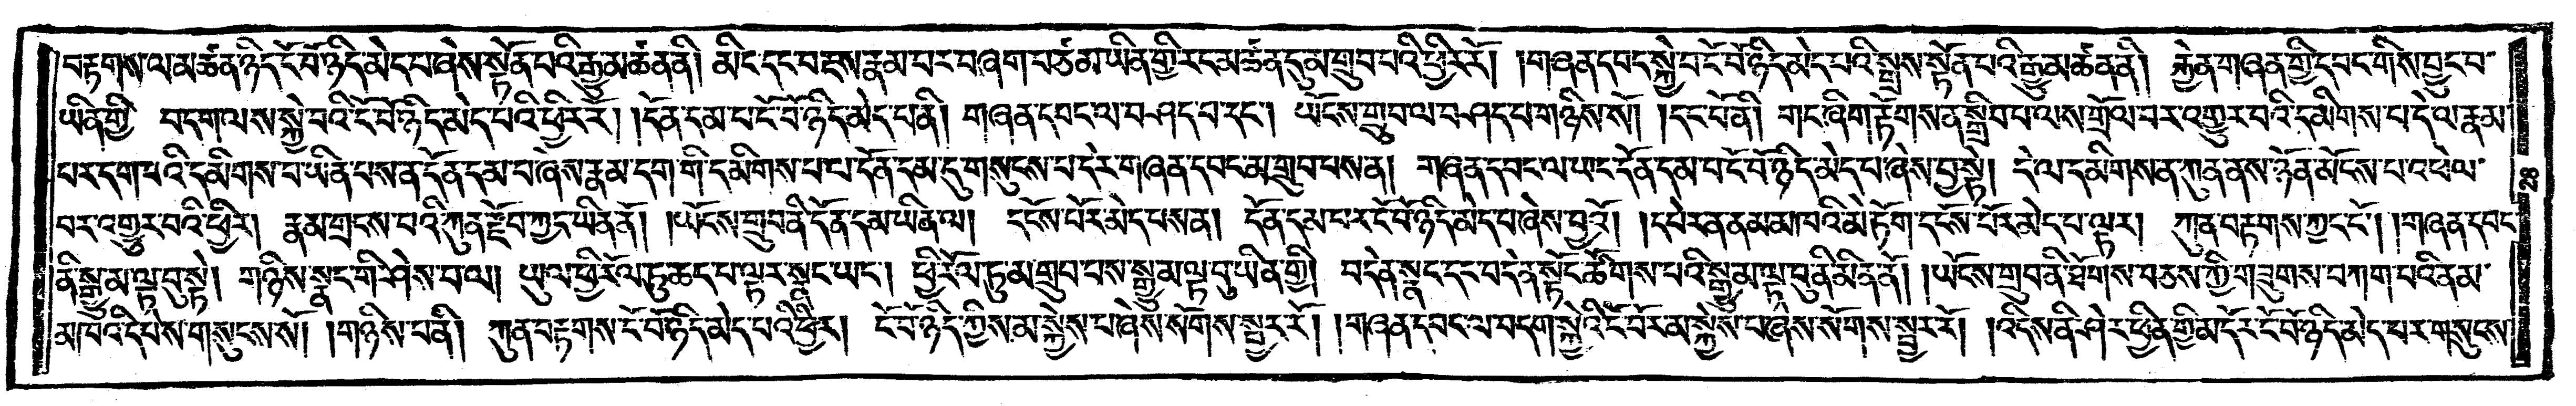བརྟགས་ལ་མཚན་ཉིད་ངོ་བོ་ཉིད་མེད་པ་ཞེས་སྟོན་པའི་རྒྱུ་མཚན་ནི། མིང་དང་བརྔས་རྣམ་པར་བཞག་པ་ཙམ་ཡིན་གྱི་རང་མཚན་དུ་མ་གྲུབ་པའི་ཕྱིར་རོ། །གཞན་དབང་སྐྱེ་བ་ངོ་བོ་ཉིད་མེད་པའི་སྒྲས་སྟོན་པའི་རྒྱུ་མཚན་ནི། རྐྱེན་གཞན་གྱི་དབང་གིས་བྱུང་བ་
ཡིན་གྱི་བདག་ལས་སྐྱེ་བའི་ངོ་བོ་ཉིད་མེད་པའི་ཕྱིར་རོ། །དོན་དམ་པ་ངོ་བོ་ཉིད་མེད་པ་ནི། གཞན་དབང་ལ་བཤད་པ་དང་། ཡོངས་གྲུབ་ལ་བཤད་པ་གཉིས་སོ། །དང་པོ་ནི། གང་ཞིག་རྟོགས་ན་སྒྲིབ་པ་ལས་གྲོལ་བར་འགྱུར་བའི་དམིགས་པ་དེ་ལ་རྣམ་
པར་དག་པའི་དམིགས་པ་ཡིན་པས་ན་དོན་དམ་པ་ཞེས་རྣམ་དག་གི་དམིགས་པ་བ་དོན་དམ་དུ་གསུངས་པ་དེར་གཞན་དབང་མ་གྲུབ་པས་ན། གཞན་དབང་ལ་ཡང་དོན་དམ་པ་ངོ་བོ་ཉིད་མེད་པ་ཞེས་བྱ་སྟེ། དེ་ལ་དམིགས་ན་ཀུན་ནས་ཉོན་མོངས་པ་འཕེལ་
བར་འགྱུར་བའི་ཕྱིར། རྣམ་གྲངས་པའི་ཀུན་རྫོབ་ཀྱང་ཡིན་ནོ། །ཡོངས་གྲུབ་ནི་དོན་དམ་ཡིན་ལ། དངོས་པོར་མེད་པས་ན། དོན་དམ་པར་ངོ་བོ་ཉིད་མེད་པ་ཞེས་བྱའོ། །དཔེར་ན་ནམ་མཁའི་མེ་ཏོག་དངོས་པོར་མེད་པ་ལྟར། ཀུན་བརྟགས་ཀྱང་ངོ། །གཞན་དབང་
ནི་སྒྱུ་མ་ལྟ་བུ་སྟེ། གཉིས་སྣང་གི་ཤེས་པ་ལ། ཡུལ་ཕྱི་རོལ་ཏུ་ཆད་པ་ལྟར་སྣང་ཡང་། ཕྱི་རོལ་ཏུ་མ་གྲུབ་པས་སྒྱུ་མ་ལྟ་བུ་ཡིན་གྱི། བདེན་སྣང་དང་བདེན་སྟོང་ཚོགས་པའི་སྒྱུ་མ་ལྟ་བུ་ནི་མིན་ནོ། །ཡོངས་གྲུབ་ནི་ཐོགས་བཅས་ཀྱི་གཟུགས་བཀག་པའི་ནམ་
མཁའི་དཔེས་གསུངས་སོ། །གཉིས་པ་ནི། ཀུན་བརྟགས་ངོ་བོ་ཉིད་མེད་པའི་ཕྱིར། ངོ་བོ་ཉིད་ཀྱིས་མ་སྐྱེས་པ་ཞེས་སོགས་སྦྱར་རོ། །གཞན་དབང་ལ་བདག་སྐྱེའི་ངོ་བོར་མ་སྐྱེས་པ་ཞེས་སོགས་སྦྱར་རོ། །འདིས་ནི་ཤེར་ཕྱིན་གྱི་མདོར་ངོ་བོ་ཉིད་མེད་པར་གསུངས་